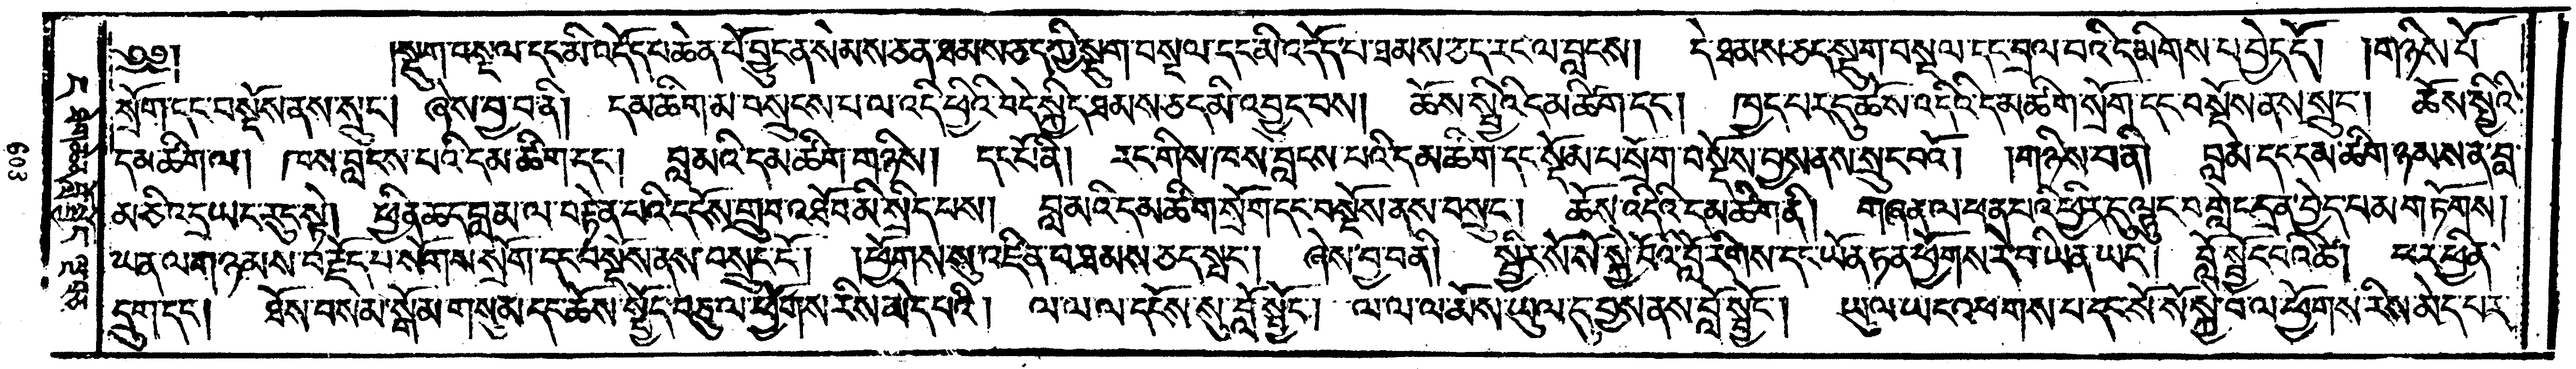༄༅། །སྡུག་བསྔལ་དང་མི་འདོད་པ་ཆེན་པོ་བྱུང་ན་སེམས་ཅན་ཐམས་ཅད་ཀྱི་སྡུག་བསྔལ་དང་མི་འདོད་པ་ཐམས་ཅད་རང་ལ་བླངས། དེ་ཐམས་ཅད་སྡུག་བསྔལ་དང་བྲལ་བའི་དམིགས་པ་བྱེད་དོ། །གཉིས་པོ་
སྲོག་དང་བསྡོས་ནས་སྲུང་། ཞེས་བྱ་བ་ནི། དམ་ཚིག་མ་བསྲུངས་པ་ལ་འདི་ཕྱིའི་བདེ་སྐྱིད་ཐམས་ཅད་མི་འབྱུང་བས། ཆོས་སྤྱིའི་དམ་ཚིག་དང་། ཁྱད་པར་དུ་ཆོས་འདིའི་དམ་ཚིག་སྲོག་དང་བསྡོས་ནས་སྲུང་། ཆོས་སྤྱིའི་
དམ་ཚིག་ལ། ཁས་བླངས་པའི་དམ་ཚིག་དང་། བླ་མའི་དམ་ཚིག་གཉིས། དང་པོ་ནི། རང་གིས་ཁས་བླངས་པའི་དམ་ཚིག་དང་སྡོམ་པ་སྲོག་བསྡོས་བྱས་ནས་སྲུང་བའོ། །གཉིས་བ་ནི། བླ་མ་དང་དམ་ཚིག་ཉམས་ན་བླ་
མ་ཅི་འདྲ་ཡང་རུང་སྟེ། ཕྱིན་ཆད་བླ་མ་ལ་བརྟེན་པའི་དངོས་གྲུབ་འཐོབ་མི་སྲིད་པས། བླ་མའི་དམ་ཚིག་སྲོག་དང་བསྡོས་ནས་བསྲུང་། ཆོས་འདིའི་དམ་ཚིག་ནི། གཞན་ལ་ཕན་པའི་ཕྱིར་དུ་ལྟུང་བ་གླེང་དྲན་བྱེད་པ་མ་གཏོགས།
ཡན་ལག་ཉམས་བརྗོད་པ་སོགས་སྲོག་དང་བསྡོས་ནས་བསྲུང་ངོ། །ཕྱོགས་སུ་འཛིན་པ་ཐམས་ཅད་སྤང་། ཞེས་བྱ་བ་ནི། སྦྱིར་སོ་སོ་སྐྱེ་བོའི་བློ་རིགས་དང་ཡོན་ཏན་ཕྱོགས་རེ་བ་ཡིན་ཡང་། བློ་སྦྱོང་བའི་ཚེ། ཕར་ཕྱིན་
དྲུག་དང་། ཐོས་བསམ་སྒོམ་གསུམ་དང་ཆོས་སྤྱོད་བཅུ་ལ་ཕྱོགས་རིས་མེད་པའི། ལ་ལ་ལ་དངོས་སུ་བློ་སྦྱོང་། ལ་ལ་ལ་མོས་ཡུལ་དུ་བྱས་ནས་བློ་སྦྱོང་། ཡུལ་ཡང་འཕགས་པ་དང་སོ་སོ་སྐྱེ་བ་ལ་ཕྱོགས་རིས་མེད་པར་